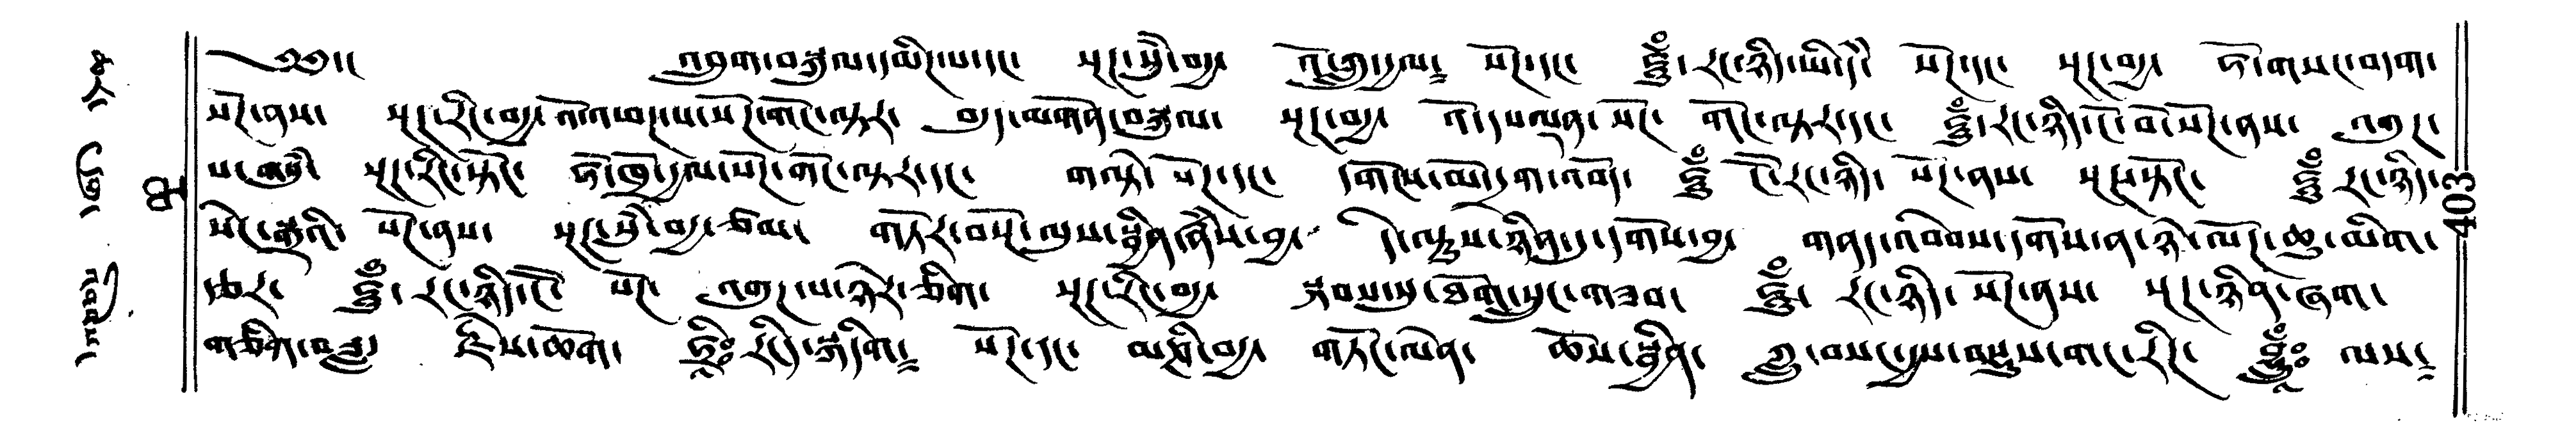འབྲུག་བསྐུལ་དམིགས་པ་དང་། སྔགས་སུམ་བརྒྱ། འོ། ཀླུ་རྒྱལ༴ སོགས་དང་། ཧཱུྃ། རང་ཉིད་ཡི་དམ༴ སོགས་དང་། སྔགས་བརྒྱ། ཧོ། གསང་བདག༴ 
སོགས་ནས། སྔགས་རིང་བརྒྱ། འོ། འཕགས་པ༴ སོགས་གོང་ལྟར། བདུད་མགོན་བསྐུལ། སྔགས་བརྒྱ། འོ། དཔལ་ལྡན༴ སོགས། གོང་ལྟར་དང་། ཧཱུྃ། རང་ཉིད་ངོ་བོ༴ སོགས་ནས། འགུགས་
པ་གསུམ། སྔགས་རིང་སྟོང་། ཧོ། ཁྲོ་རྒྱལ༴ སོགས་གོང་ལྟར་དང་། གལ་ཏེ༴ སོགས་དང་། དགོང་མོ་དྲག་འབོད། ཧཱུྃ། ངོ་བོ་རང་ཉིད༴ སོགས་ནས། སྔགས་སྟོང་། ཧཱུྃ། རང་ཉིད་
སེང་སྒྲའི༴ སོགས་ནས། སྔགས་སུམ་བརྒྱ་ཙམ། གཏོར་བསྔོ་ལུས་སྦྱིན་རྣམས་བྱ། དེ་ལྟ་བུས་ཉིན་དུ་དགོས་བྱ། གནད་འབེབས་དགོས་ན་ཉེ་ལོགས་ཆུ་མིག་
རྩར། ཧཱུྃ། རང་ཉིད་ངོ་བོ༴ སོགས། འགུགས་པ་ཉེར་ཅིག སྔགས་རིང་བརྒྱ། སྐབས་སུ་ཐོག་སྲུང་གཟབ། ཧཱུྃ། རང་ཉིད༴ སོགས་ནས། སྔགས་ཉིན་ཞག་
གཅིག་བཟླ། རྗེས་ཆོག ཧྲཱིཿརང་ཉིད་སྐད་ཅིག༴ མཎི་བརྒྱ། གཏོང་ལེན། ཆོས་སྦྱིན། ཀླུ་བསང་རྒྱས་བསྡུས་གང་རིགས། བྷྲཱུྃ་ལས༴